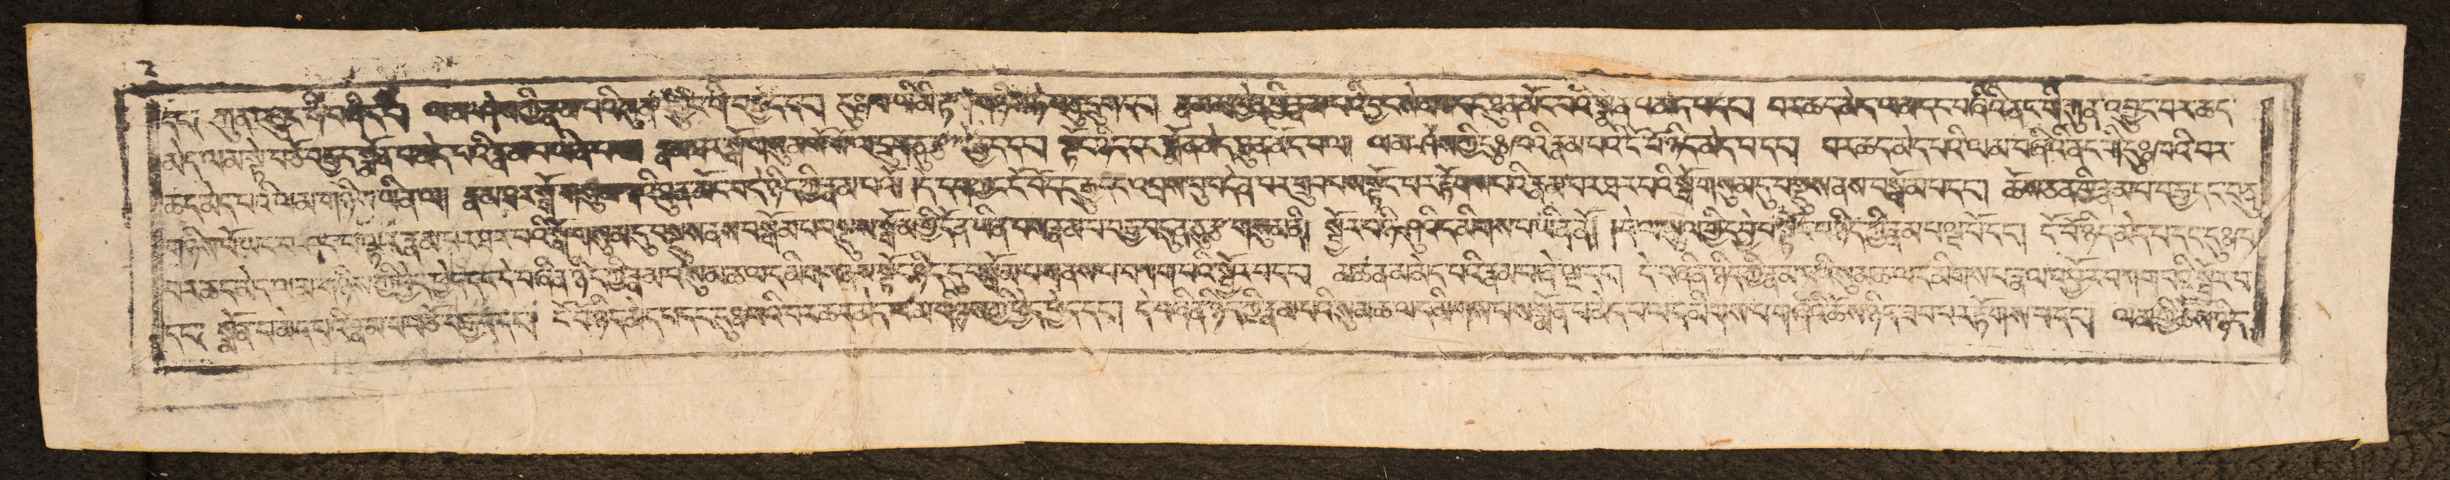དང་། ཀུན་འབྱུང་གི་བཞི་དང་། ལམ་ཤེས་ཀྱི་རྣམ་པའི་ཀུན་འབྱུང་གི་བརྒྱད་དང་། དུཿ ཁ་ཡི་མི་རྟག་གཉིས་ཏེ་བཅུ་དྲུག་དང་། རྣམ་མཁྱེན་གྱི་རྣམ་པའི་བྱང་སེམས་དང་ཐུན་མོང་བའི་སྨོན་པ་མེད་པ་དང་། བར་ཆད་མེད་ལམ་དང་བཞིའི་ནང་གི་ཀུན་འབྱུང་བར་ཆད་
མེད་ལམ་སྟེ་བཅོ་བརྒྱད་སྨོན་པ་མེད་པའི་རྣམ་པ་ཡིན་པས། རྣམ་ཐར་སྒོ་གསུམ་སོ་སོ་ལ་དྲུག་ཅུ་རྩ་བརྒྱད་དང་། སྟོང་ཉིད་དང་སྨོན་མེད་ཐུན་མོང་པ་ལ། ལམ་ཤེས་ཀྱི་དུཿ ཁའི་རྣམ་པའི་ངོ་བོ་ཉིད་མེད་པ་དང་། བར་ཆད་མེད་པའི་ལམ་བཞིའི་ནང་གི་དུཿ ཁའི་བར་
ཆད་མེད་པའི་ལམ་གཉིས་ཡིན་ལ། རྣམ་ཐར་སྒོ་གསུམ་ཀའི་ཐུན་མོང་བ་དེ་ཉིད་ཀྱི་རྣམ་པའོ། །དེ་དག་ཀྱང་ངོ་བོ་དང་རྒྱུ་དང་འབྲས་བུ་བདེན་པར་གྲུབ་པས་སྟོང་པར་རྟོགས་པའི་རྣམ་པར་ཐར་པའི་སྒོ་གསུམ་དུ་བསྡུས་ནས་བསྒོམ་པ་དང་། ཆོས་ཅན་གྱི་རྣམ་པ་བརྒྱ་དང་བཅུ་
གཉིས་པོ་ཡང་བཤད་པ་ལྟར་རྣམ་པར་ཐར་པའི་སྒོ་གསུམ་དུ་བསྡུས་ནས་བསྒོམ་པ་བསྡུས་སྒོམ་གྱི་དོན་ཡིན་པས་རྣམ་པ་བརྒྱ་བདུན་ཅུ་རྩ་གསུམ་ནི། སྦྱོར་བ་ཉི་ཤུའི་དམིགས་པ་ཡིན་ནོ། །དེ་ལ་ཡུལ་གྱི་དབྱེ་བ་སྟོང་པ་ཉིད་ཀྱི་རྣམ་པ་ལྔ་པོ་དང་། ངོ་བོ་ཉིད་མེད་པ་དང་དུཿ ཁ་
བར་ཆད་མེད་ལམ་གཉིས་ཀྱི་ཕྱེད་ཕྱེད་དང་དེ་བཞིན་ཉིད་ཀྱི་རྣམ་པ་སུམ་ཆ་ལ་དམིགས་ནས་སྟོང་ཉིད་དུ་བསྒོམ་པ་གནས་པ་བཀག་པའི་སྦྱོར་བ་དང་། མཚན་མ་མེད་པའི་རྣམ་པ་ཞེ་ལྔ་དང་། དེ་བཞིན་ཉིད་ཀྱི་རྣམ་པའི་སུམ་ཆ་ལ་དམིགས་པ་རྣལ་འབྱོར་བཀག་པའི་སྦྱོར་བ་
དང་། སྨོན་པ་མེད་པའི་རྣམ་པ་བཅོ་བརྒྱད་དང་། ངོ་བོ་ཉིད་མེད་པ་དང་དུཿ ཁའི་བར་ཆད་མེད་ལམ་གཉིས་ཀྱི་ཕྱེད་ཕྱེད་དང་། དེ་བཞིན་ཉིད་ཀྱི་རྣམ་པའི་སུམ་ཆ་ལ་དམིགས་པས་སྨོན་པ་མེད་པ་ལ་དམིགས་པ་གཞིའི་ཆོས་ཉིད་ཟབ་པར་རྟོགས་པ་དང་། ལམ་གྱི་ཆོས་ཉིད་